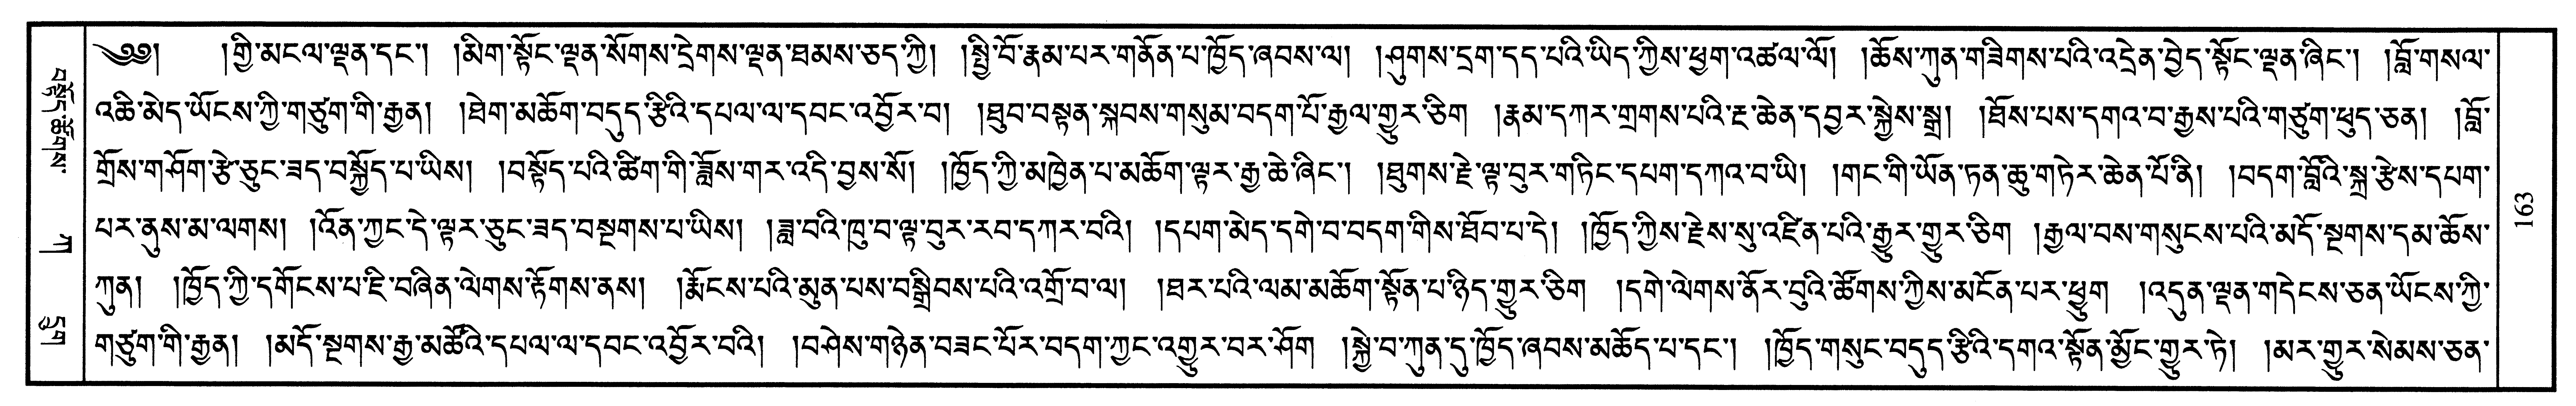༄༅། །གྱི་མངལ་ལྡན་དང་། །མིག་སྟོང་ལྡན་སོགས་དྲེགས་ལྡན་ཐམས་ཅད་ཀྱི། །སྤྱི་བོ་རྣམ་པར་གནོན་པ་ཁྱོད་ཞབས་ལ། །ཤུགས་དྲག་དད་པའི་ཡིད་ཀྱིས་ཕྱག་འཚལ་ལོ། །ཆོས་ཀུན་གཟིགས་པའི་འདྲེན་བྱེད་སྟོང་ལྡན་ཞིང་། །བློ་གསལ་
འཆི་མེད་ཡོངས་ཀྱི་གཙུག་གི་རྒྱན། །ཐེག་མཆོག་བདུད་རྩིའི་དཔལ་ལ་དབང་འབྱོར་བ། །ཐུབ་བསྟན་སྐབས་གསུམ་བདག་པོ་རྒྱལ་གྱུར་ཅིག །རྣམ་དཀར་གྲགས་པའི་རྔ་ཆེན་དབྱར་སྐྱེས་སྒྲ། །ཐོས་པས་དགའ་བ་རྒྱས་པའི་གཙུག་ཕུད་ཅན། །བློ་
གྲོས་གཤོག་རྩེ་ཅུང་ཟད་བསྐྱོད་པ་ཡིས། །བསྟོད་པའི་ཚིག་གི་ཟློས་གར་འདི་བྱས་སོ། །ཁྱོད་ཀྱི་མཁྱེན་པ་མཆོག་ལྟར་རྒྱ་ཆེ་ཞིང་། །ཐུགས་རྗེ་ལྟ་བུར་གཏིང་དཔག་དཀའ་བ་ཡི། །གང་གི་ཡོན་ཏན་ཆུ་གཏེར་ཆེན་པོ་ནི། །བདག་བློའི་སྐྲ་རྩེས་དཔག་
པར་ནུས་མ་ལགས། །འོན་ཀྱང་དེ་ལྟར་ཅུང་ཟད་བསྔགས་པ་ཡིས། །ཟླ་བའི་ཁུ་བ་ལྟ་བུར་རབ་དཀར་བའི། །དཔག་མེད་དགེ་བ་བདག་གིས་ཐོབ་པ་དེ། །ཁྱོད་ཀྱིས་རྗེས་སུ་འཛིན་པའི་རྒྱུར་གྱུར་ཅིག །རྒྱལ་བས་གསུངས་པའི་མདོ་སྔགས་དམ་ཆོས་
ཀུན། །ཁྱོད་ཀྱི་དགོངས་པ་ཇི་བཞིན་ལེགས་རྟོགས་ནས། །རྨོངས་པའི་མུན་པས་བསྒྲིབས་པའི་འགྲོ་བ་ལ། །ཐར་པའི་ལམ་མཆོག་སྟོན་པ་ཉིད་གྱུར་ཅིག །དགེ་ལེགས་ནོར་བུའི་ཚོགས་ཀྱིས་མངོན་པར་ཕྱུག །འདུན་ལྡན་གདེངས་ཅན་ཡོངས་ཀྱི་
གཙུག་གི་རྒྱན། །མདོ་སྔགས་རྒྱ་མཚོའི་དཔལ་ལ་དབང་འབྱོར་བའི། །བཤེས་གཉེན་བཟང་པོར་བདག་ཀྱང་འགྱུར་བར་ཤོག །སྐྱེ་བ་ཀུན་དུ་ཁྱོད་ཞབས་མཆོད་པ་དང་། །ཁྱོད་གསུང་བདུད་རྩིའི་དགའ་སྟོན་མྱོང་གྱུར་ཏེ། །མར་གྱུར་སེམས་ཅན་